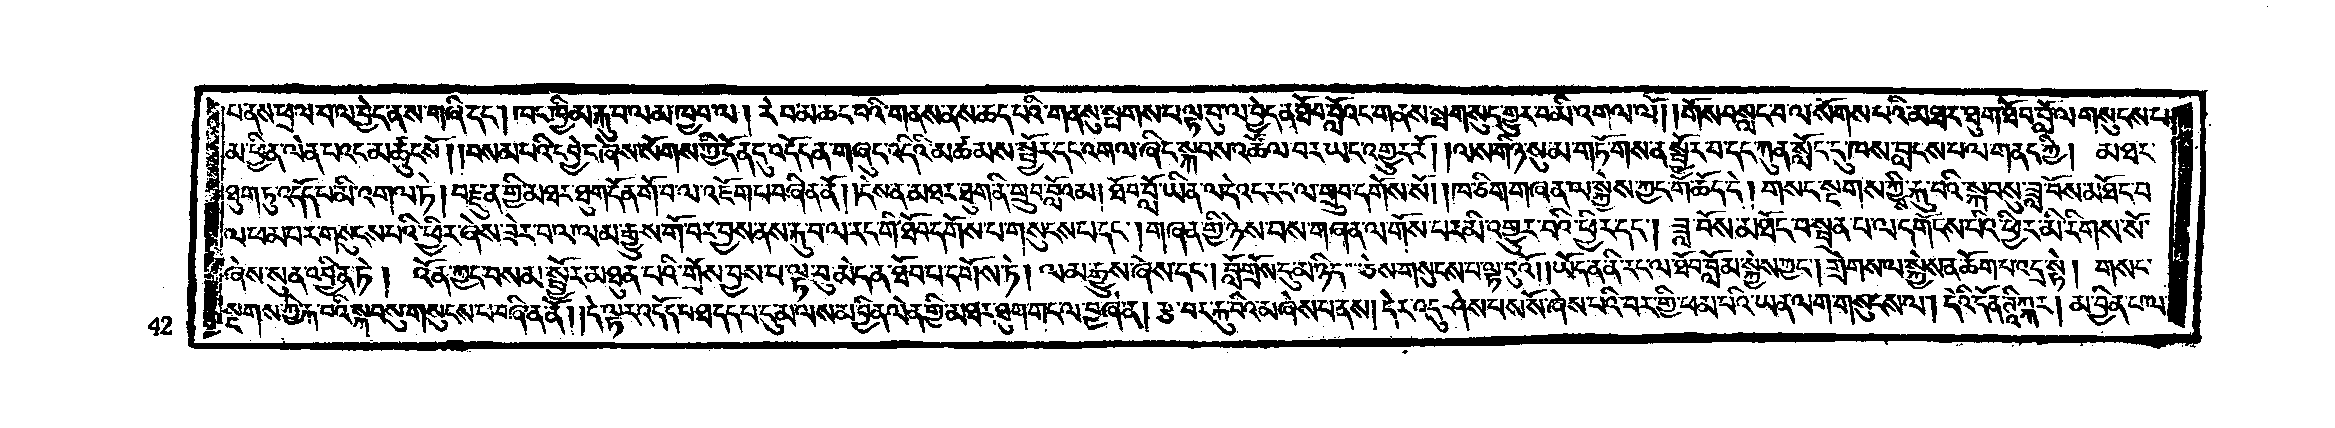པ་ནས་ཕྲལ་བ་ལ་བྱེད་ན་ས་གཞི་དང་། ཁང་ཁྱིམ་རྐུ་བ་ལམ་ཁྱབ་ལ། རེ་བ་མ་ཆང་བའི་གནས་ནས་ཆད་པའི་གནས་སུ་སྤགས་པ་ལྟ་བུ་ལ་བྱེད་ན་ཐོབ་བློའང་གནས་སྤག་སུང་གྱུར་བ་མི་འགལ་ལོ། །གོས་བསླང་བ་ལ་སོགས་པའི་མཐར་ཐུག་ཐོབ་བློ་ལ་གསུངས་པ་
མ་ཕྱིན་ལེན་པའང་མཚུངས་སོ། །བསམ་པའི་དབྱེ་བ་ཞེས་སོགས་ཀྱི་དོན་དུ་འདོད་ན་གཞུང་འདིའི་མཚམས་སྦྱོར་དང་འགལ་ཞིང་སྐབས་འཚོལ་བར་ཡང་འགྱུར་རོ། །ལས་གཉི་སུ་མ་གཏོགས་ན་སྦྱོར་བ་དང་ཀུན་སློང་དུ་ཁས་བླངས་པ་ལ་གནད་ཀྱི། མཐར་
ཐུག་ཏུ་འདོད་པ་མི་འགལ་ཏེ། བརྫུན་གྱི་མཐར་ཐུག་དོན་གོ་བ་ལ་འཇོག་པ་བཞིན་ནོ། །དེས་ན་མཐར་ཐུག་ནི་གྲུབ་བློའམ། ཐོབ་བློ་ཡིན་ལ་དེའང་རང་ལ་གྲུབ་དགོས་སོ། །ཁ་ཅིག་གཞན་ལ་སྐྱེས་ཀྱང་གོ་ཆོད་དེ། གསང་སྔགས་ཀྱིས་རྐུ་བའི་སྐབས་སུ་ཟླ་བོས་མཐོང་བ་
ལ་ཕམ་པར་གསུངས་པའི་ཕྱིར་ཞེས་ཟེར་བ་ལ་ལམ་རྒྱུས་གོ་བར་བྱས་ནས་རྐུ་བ་ལ་རང་གི་ཐོབ་དགོས་པ་གསུངས་པ་དང་། གཞན་གྱི་ཉེས་བས་གཞན་ལ་གོས་པར་མི་འགྱུར་བའི་ཕྱིར་དང་། ཟླ་བོས་མཐོང་བ་སྦྲན་པ་ལ་དགོངས་པའི་ཕྱིར་མི་རིགས་སོ་
ཞེས་སུན་འབྱིན་ཏེ། འོན་ཀྱང་བསམ་སྦྱོར་མཐུན་པའི་གྲོས་བྱས་པ་ལྟ་བུ་མེད་ན་ཐོབ་པ་དགོས་ཏེ། ལམ་རྒྱུས་ཞེས་དང་། བློ་གྲོས་དུ་མ་ཉིད་ཅེས་གསུངས་པ་ལྟ་བུའོ། །ཡོད་ན་ནི་རང་ལ་ཐོབ་བློ་མ་སྐྱེས་ཀྱང་། གྲེགས་ལ་སྐྱེས་ན་ཆོག་པ་འདྲ་སྟེ། གསང་
སྔགས་ཀྱི་རྐ་བའི་སྐབས་སུ་གསུངས་པ་བཞིན་ནོ། །དེ་ལྟར་འདོད་པ་ཐ་དད་པ་དུ་མ་ལས་མ་བྱིན་ལེན་གྱི་མཐར་ཐུག་གད?་ལ་བྱ་ཞེ་ན། རྩ་བར་རྐུ་བའི་མ་ཞེས་པ་ནས། དེར་འདུ་ཤེས་པས་སོ་ཞེས་པའི་བར་གྱི་ཕམ་པའི་ཡན་ལག་གསུངས་ལ། དེའི་དོན་ཊཱི་ཀྐར། མ་བྱིན་པ་ལ་